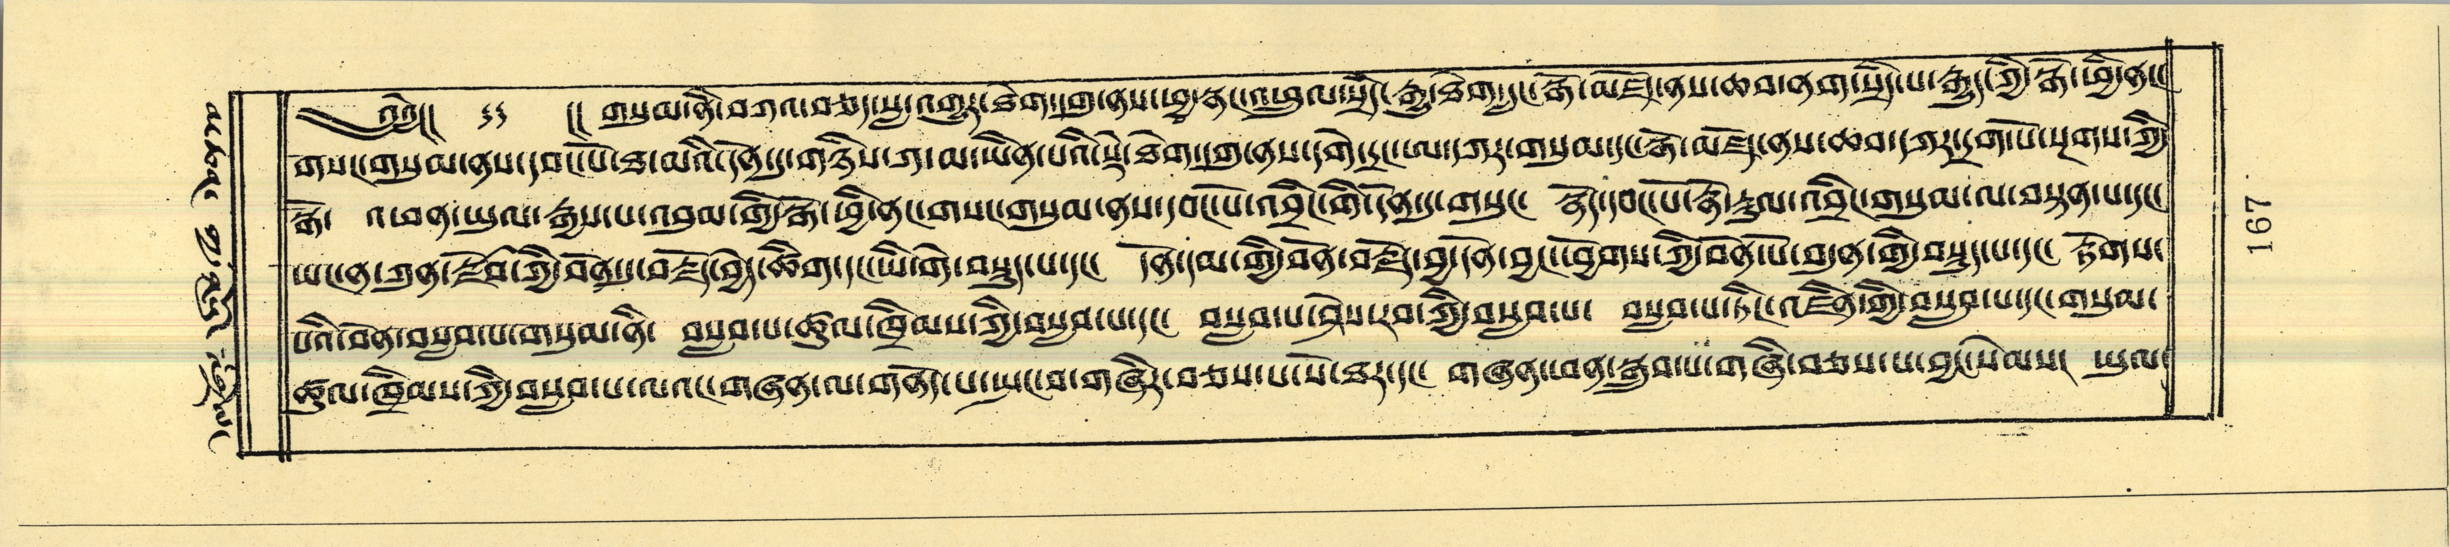གསུམ་ནི་དཀའ་བཅད་སླ་འགྱུར་ཐེག་དགུ་ནས་ཕྱྭ་སྣང་འཕྲུལ་སྲིད་རྒྱུ་ཐེག་དྲུང་སྒོ་མཛོད་ནས་ཆབ་ནག་སྲིད་པ་རྒྱུད་ཀྱི་སྒོ་ཕྱི་ནང་
གསང་གསུམ་ནས་དབང་པོ་ཐ་མའི་དོན་དུ་གཉིས་ཀ་མ་ཡིན་པའི་སྡེ་ཐེག་དགུ་ནས་དགེ་དྲང་ཨ་དཀར་གསུམ་དང་སྒོ་མཛོད་ནས་ཆབ་དཀར་དྲག་པོ་སྔགས་ཀྱི་
སྒོ་ འཕན་ཡུལ་རྒྱས་པ་འབུམ་གྱི་སྒོ་ཕྱི་ནང་གསང་གསུམ་ནས་དབང་པོ་འབྲིང་གི་དོན་དུ་གསུངས། སྣོད་དབང་པོ་རྣོ་རྡུལ་འབྲིང་གསུམ་ལ་བསྟན་པ་དང་། 
ཡང་ན་ཀུན་རྫོབ་ཀྱི་བོན་དུ་རྗོད་བྱེད་ཚིག་དང་ཡི་གེ་སྡུད་པ་དང་། དོན་དམ་གྱི་བོན་བརྗོད་བྱ་དོན་བྱང་ཕྱོགས་སོ་བདུན་གྱིས་བསྡུས་པ་དང་། རྟོགས་
པའི་བོན་བསླབ་པ་གསུམ་ནི་ བསླབ་པ་ཚུལ་ཁྲིམས་ཀྱི་བསླབ་པ་དང་། བསླབ་པ་ཤེས་རབ་ཀྱི་བསླབ་པ་དང་། བསླབ་པ་ཏིང་ངེ་འཛིན་གྱི་བསླབ་པ་དང་གསུམ། 
ཚུལ་ཁྲིམས་ཀྱི་བསླབ་པ་ལའང་གཞན་ལ་གནོད་པ་སྤང་བ་གཞིར་བཅས་པ་སོ་ཐར་དང་། གཞན་ཕན་བསྒྲུབ་པ་གཞིར་བཅས་པ་བྱང་སེམས། ཡུལ་